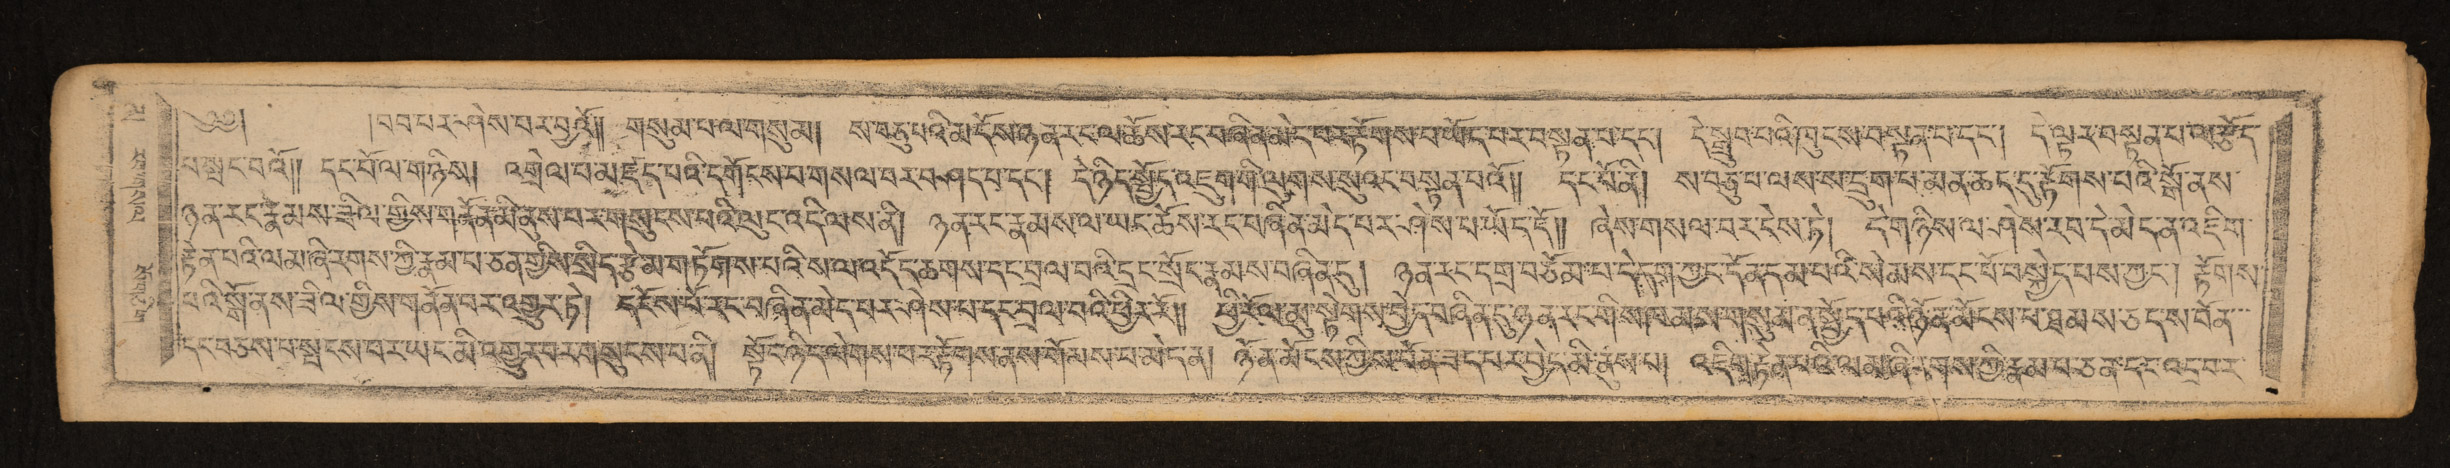༄༅། །བབ་པར་ཤེས་པར་བྱའོ།། གསུམ་པ་ལ་གསུམ། ས་བཅུ་པའི་མདོས་ཉན་རང་ལ་ཆོས་རང་བཞིན་མེད་པར་རྟོགས་པ་ཡོད་པར་བསྟན་པ་དང་། དེ་སྒྲུབ་པའི་ཁུངས་བསྟན་པ་དང་། དེ་ལྟར་བསྟན་པ་ལ་རྩོད་
པ་སྤང་བའོ།། དང་པོ་ལ་གཉིས། འགྲེལ་པ་མཛད་པའི་དགོངས་པ་གསལ་བར་བཤད་པ་དང་། དེ་ཉིད་སྤྱོད་འཇུག་གི་ལུགས་སུའང་བསྟན་པའོ།། དང་པོ་ནི། ས་བཅུ་པ་ལས་ས་དྲུག་པ་མན་ཆད་དུ་རྟོགས་པའི་སྒོ་ནས་
ཉན་རང་རྣམས་ཟིལ་གྱིས་གནོན་མི་ནུས་པར་གསུངས་པའི་ལུང་འདི་ལས་ནི། ཉན་རང་རྣམས་ལ་ཡང་ཆོས་རང་བཞིན་མེད་པར་ཤེས་པ་ཡོད་དོ།། ཞེས་གསལ་བར་ངེས་ཏེ། དེ་གཉིས་ལ་ཤེས་རབ་དེ་མེད་ན་འཇིག་
རྟེན་པའི་ལམ་ཞི་རགས་ཀྱི་རྣམ་པ་ཅན་གྱིས་སྲིད་རྩེ་མ་གཏོགས་པའི་ས་ལ་འདོད་ཆགས་དང་བྲལ་བའི་དྲང་སྲོང་རྣམས་བཞིན་དུ། ཉན་རང་དགྲ་བཅོམ་པ་དེ་དག་ཀྱང་དོན་དམ་པའི་སེམས་དང་པོ་བསྐྱེད་པས་ཀྱང་། རྟོགས་
པའི་སྒོ་ནས་ཟིལ་གྱིས་གནོན་པར་འགྱུར་ཏེ། དངོས་པོ་རང་བཞིན་མེད་པར་ཤེས་པ་དང་བྲལ་བའི་ཕྱིར་རོ།། ཕྱི་རོལ་མུ་སྟེགས་བྱེད་བཞིན་དུ་ཉན་རང་གིས་ཁམས་གསུམ་ན་སྤྱོད་པའི་ཉོན་མོངས་པ་ཐམས་ཅད་ས་བོན་
དང་བཅས་པ་སྤངས་པར་ཡང་མི་འགྱུར་བར་གསུངས་པ་ནི། སྟོང་ཉིད་ལེགས་པར་རྟོགས་ནས་གོམས་པ་མེད་ན། ཉོན་མོངས་ཀྱི་ས་བོན་ཟད་པར་བྱེད་མི་ནུས་པ། འཇིག་རྟེན་པའི་ལམ་ཞི་རགས་ཀྱི་རྣམ་པ་ཅན་དང་འདྲ་བར་